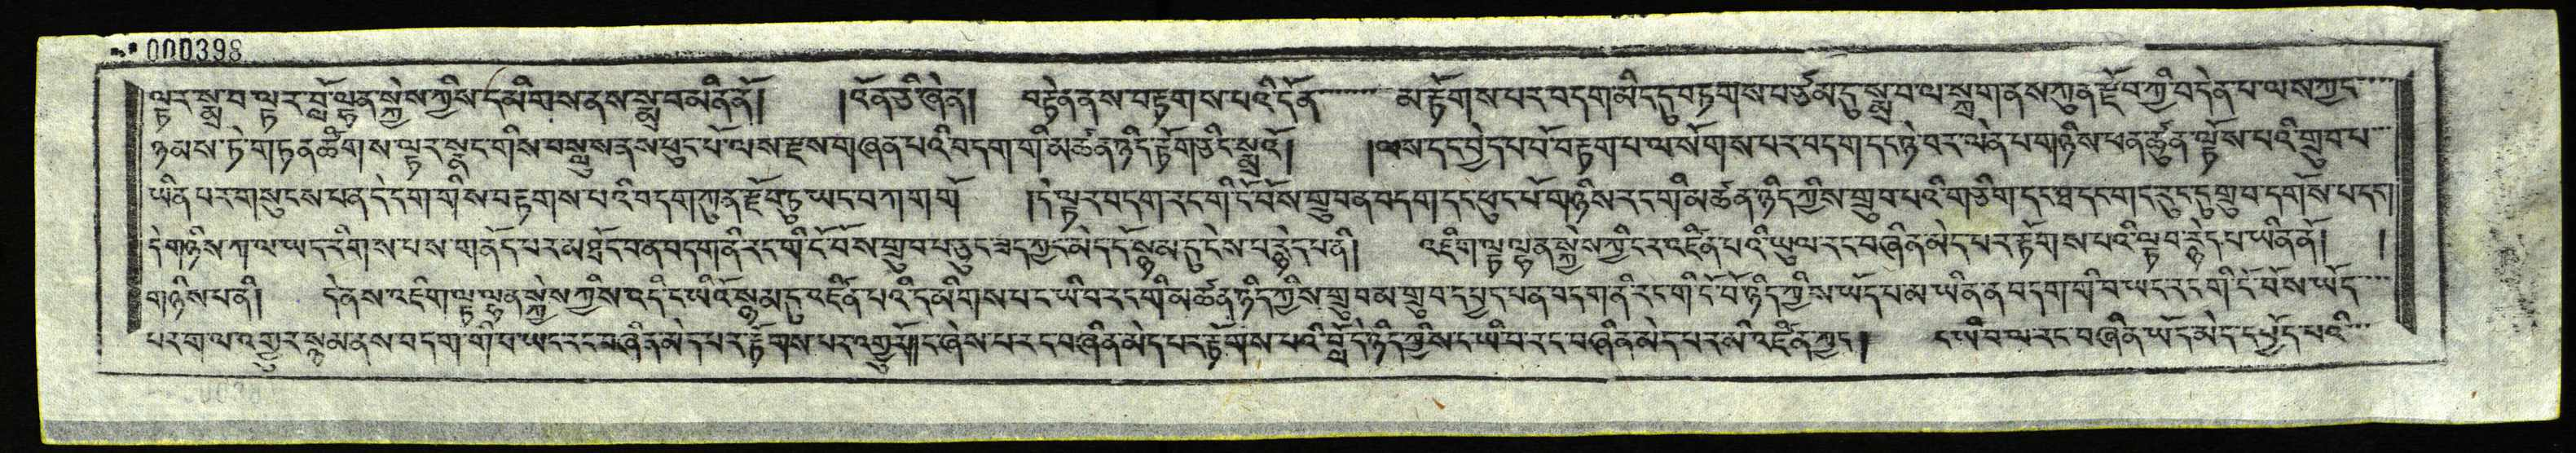ལྟར་སྨྲ་བ་ལྟར་བློ་ལྷན་སྐྱེས་ཀྱིས་དམིགས་ནས་སྨྲ་བ་མིན་ནོ། །འོ་ན་ཅི་ཞེ་ན། བརྟེན་ནས་བརྟགས་པའི་དོན་མ་རྟོགས་པར་བདག་མིང་དུ་བཏགས་པ་ཙམ་དུ་སྨྲ་བ་ལ་སྐྲག་ནས་ཀུན་རྫོབ་ཀྱི་བདེན་པ་ལས་ཀྱང་
ཉམས་ཏེ་གཏན་ཚིགས་ལྟར་སྣང་གིས་བསླུས་ནས་ཕུང་པོ་ལས་རྫས་གཞན་པའི་བདག་གི་མཚན་ཉིད་རྟོག་ཅིང་སྨྲའོ། །ལས་དང་བྱེད་པ་པོ་བརྟག་པ་ལ་སོག་སྤར་བདག་དང་ཉེ་བར་ལེན་པ་གཉིས་ཕན་ཚུན་ལྟོས་པའི་གྲུབ་པ་
ཡིན་པར་གསུངས་པ་ན་དེ་དག་གིས་བརྟགས་པའི་བདག་ཀུན་རྫོབ་ཏུ་ཡང་བཀག་གོ །དེ་ལྟར་བདག་རང་གི་ངོ་བོས་གྲུབ་ན་བདག་དང་ཕུང་པོ་གཉིས་རང་གི་མཚན་ཉིད་ཀྱིས་གྲུབ་པའི་གཅིག་དང་ཐ་དད་གང་རུང་དུ་གྲུབ་དགོས་པ་དང་།
དེ་གཉིས་ཀ་ལ་ཡང་རིགས་པས་གནོད་པར་མཐོང་བ་ན་བདག་ནི་རང་གི་ངོ་བོས་གྲུབ་པ་ཅུང་ཟད་ཀྱང་མེད་དོ་སྙམ་དུ་ངེས་པ་རྙེད་པ་ནི། འཇིག་ལྟ་ལྷན་སྐྱེས་ཀྱི་ངར་འཛིན་པའི་ཡུལ་རང་བཞིན་མེད་པར་རྟོགས་པའི་ལྟ་བ་རྙེད་པ་ཡིན་ནོ། །
གཉིས་པ་ནི། དེ་ནས་འཇིག་ལྟ་ལྷན་སྐྱེས་ཀྱིས་འདི་ང་ཡིའོ་སྙམ་དུ་འཛིན་པའི་དམིགས་པ་ང་ཡི་བ་རང་གི་མཚན་ཉིད་ཀྱིས་གྲུབ་མ་གྲུབ་དཔྱད་པ་ན་བདག་ནི་རང་གི་ངོ་བོ་ཉིད་ཀྱིས་ཡོད་པ་མ་ཡིན་ན་བདག་གི་བ་ཡང་རང་གི་ངོ་བོས་ཡོད་
པར་ག་ལ་འགྱུར་སྙམ་ནས་བདག་གི་བ་ཡང་རང་བཞིན་མེད་པར་རྟོག་པར་འགྱུར་རོ། །ང་ཞེས་པ་རང་བཞིན་མེད་པར་རྟོགས་པའི་བློ་དེ་ཉིད་ཀྱིས་ང་ཡི་བ་རང་བཞིན་མེད་པར་མི་འཛིན་ཀྱང་། ང་ཡི་བ་ལ་རང་བཞིན་ཡོད་མེད་དཔྱོད་པའི་